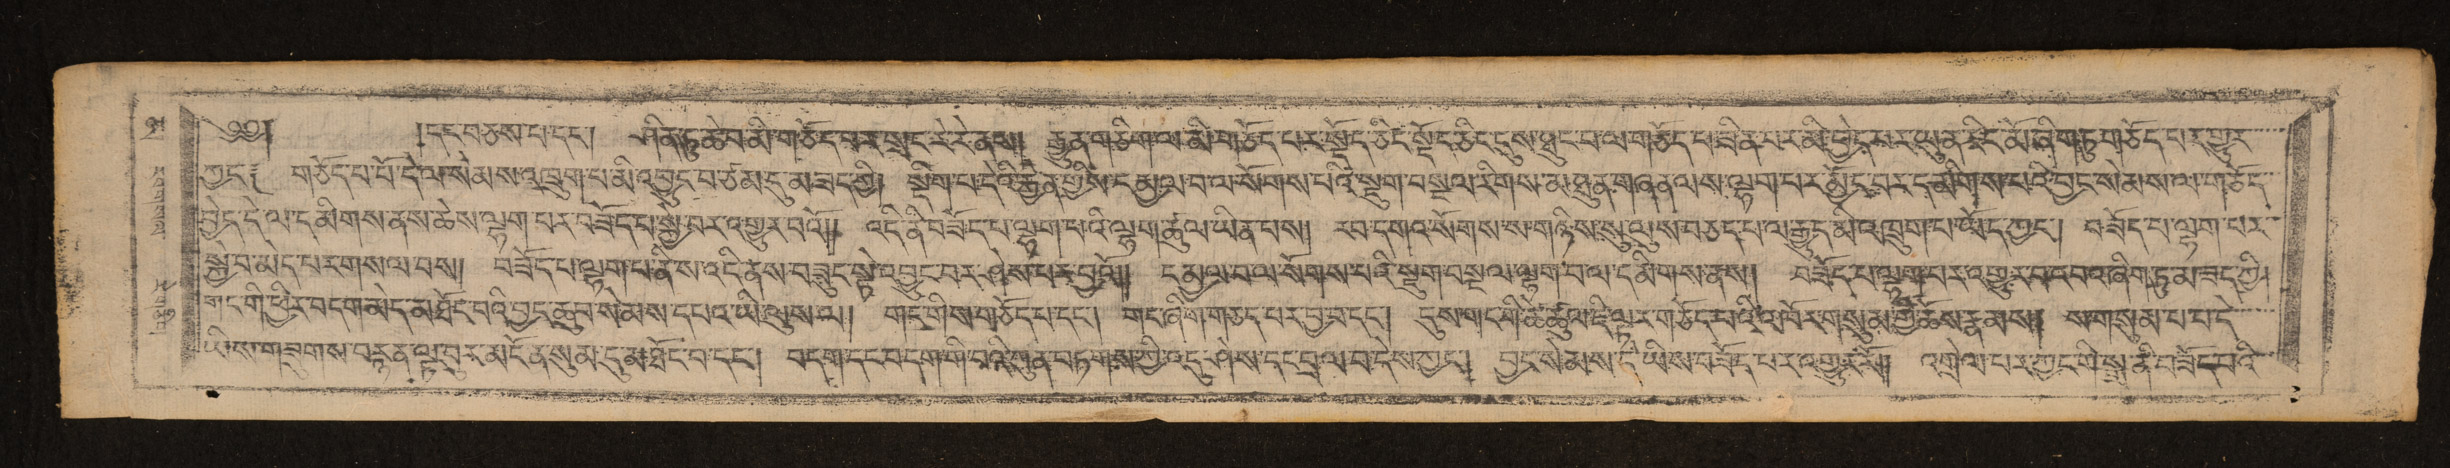༄༅། །དང་བཅས་པ་དང་། ཤིན་ཏུ་ཆེ་བ་མི་གཅོད་པར་སྲང་རེ་རེ་ནས། རྒྱུན་གཅིག་ལ་མི་གཅོད་པར་སྡོད་ཅིང་སྡོད་ཅིང་དུས་ཐུང་བ་ལ་གཅོད་པ་ཟིན་པར་མི་བྱེད་པར་ཡུན་རིང་མོ་ཞིག་ཏུ་གཅོད་པར་གྱུར་
ཀྱང༑ གཅོད་པ་པོ་དེ་ལ་སེམས་འཁྲུག་པ་མི་འབྱུང་བ་ཙམ་དུ་མ་ཟད་ཀྱི། སྡིག་པ་དེའི་རྐྱེན་གྱིས་དམྱལ་བ་ལ་སོགས་པའི་སྡུག་བསྔལ་རིགས་མཐུན་གཞན་ལས་ལྷག་པར་མྱོང་བར་དམིགས་པའི་བྱང་སེམས་ལ་གཅོད་
བྱེད་དེ་ལ་དམིགས་ནས་ཆེས་ལྷག་པར་བཟོད་པ་སྐྱེ་བར་འགྱུར་བའོ།། འདི་ནི་བཟོད་པ་ལྷག་པའི་ལྷག་ཚུལ་ཡིན་པས། རབ་དགའ་སོགས་ས་གཉིས་སུ་ལུས་བཅད་པ་ལ་རྒྱུད་མི་འཁྲུག་པ་ཡོད་ཀྱང་། བཟོད་པ་ལྷག་པར་
སྐྱེ་བ་མེད་པར་གསལ་བས། བཟོད་པ་ལྷག་པ་ནི་ས་འདི་ནས་བཟུང་སྟེ་འབྱུང་བར་ཤེས་པར་བྱའོ།། དམྱལ་བ་ལ་སོགས་པའི་སྡུག་བསྔལ་ལྷག་པ་ལ་དམིགས་ནས། བཟོད་པ་ལྷག་པར་འགྱུར་བ་འབའ་ཞིག་ཏུ་མ་ཟད་ཀྱི།
གང་གི་ཕྱིར་བདག་མེད་མཐོང་བའི་བྱང་ཆུབ་སེམས་དཔའ་ཡི་ལུས་ལ། གང་གིས་གཅོད་པ་དང་། གང་ཞིག་གཅད་པར་བྱ་བ་དང་། དུས་གང་གི་ཚེ་ཚུལ་ཇི་ལྟར་གཅོད་པའི་འཁོར་གསུམ་གྱི་ཆོས་རྣམས། ས་གསུམ་པ་བ་དེ་
ཡིས་གཟུགས་བརྙན་ལྟ་བུར་མངོན་སུམ་དུ་མཐོང་བ་དང་། བདག་དང་བདག་གི་བའི་ཀུན་བརྟགས་ཀྱི་འདུ་ཤེས་དང་བྲལ་བ་དེས་ཀྱང་། བྱང་སེམས་དེ་ཡིས་བཟོད་པར་འགྱུར་རོ།། འགྲེལ་པར་ཀྱང་གི་སྒྲ་ནི་བཟོད་པའི་